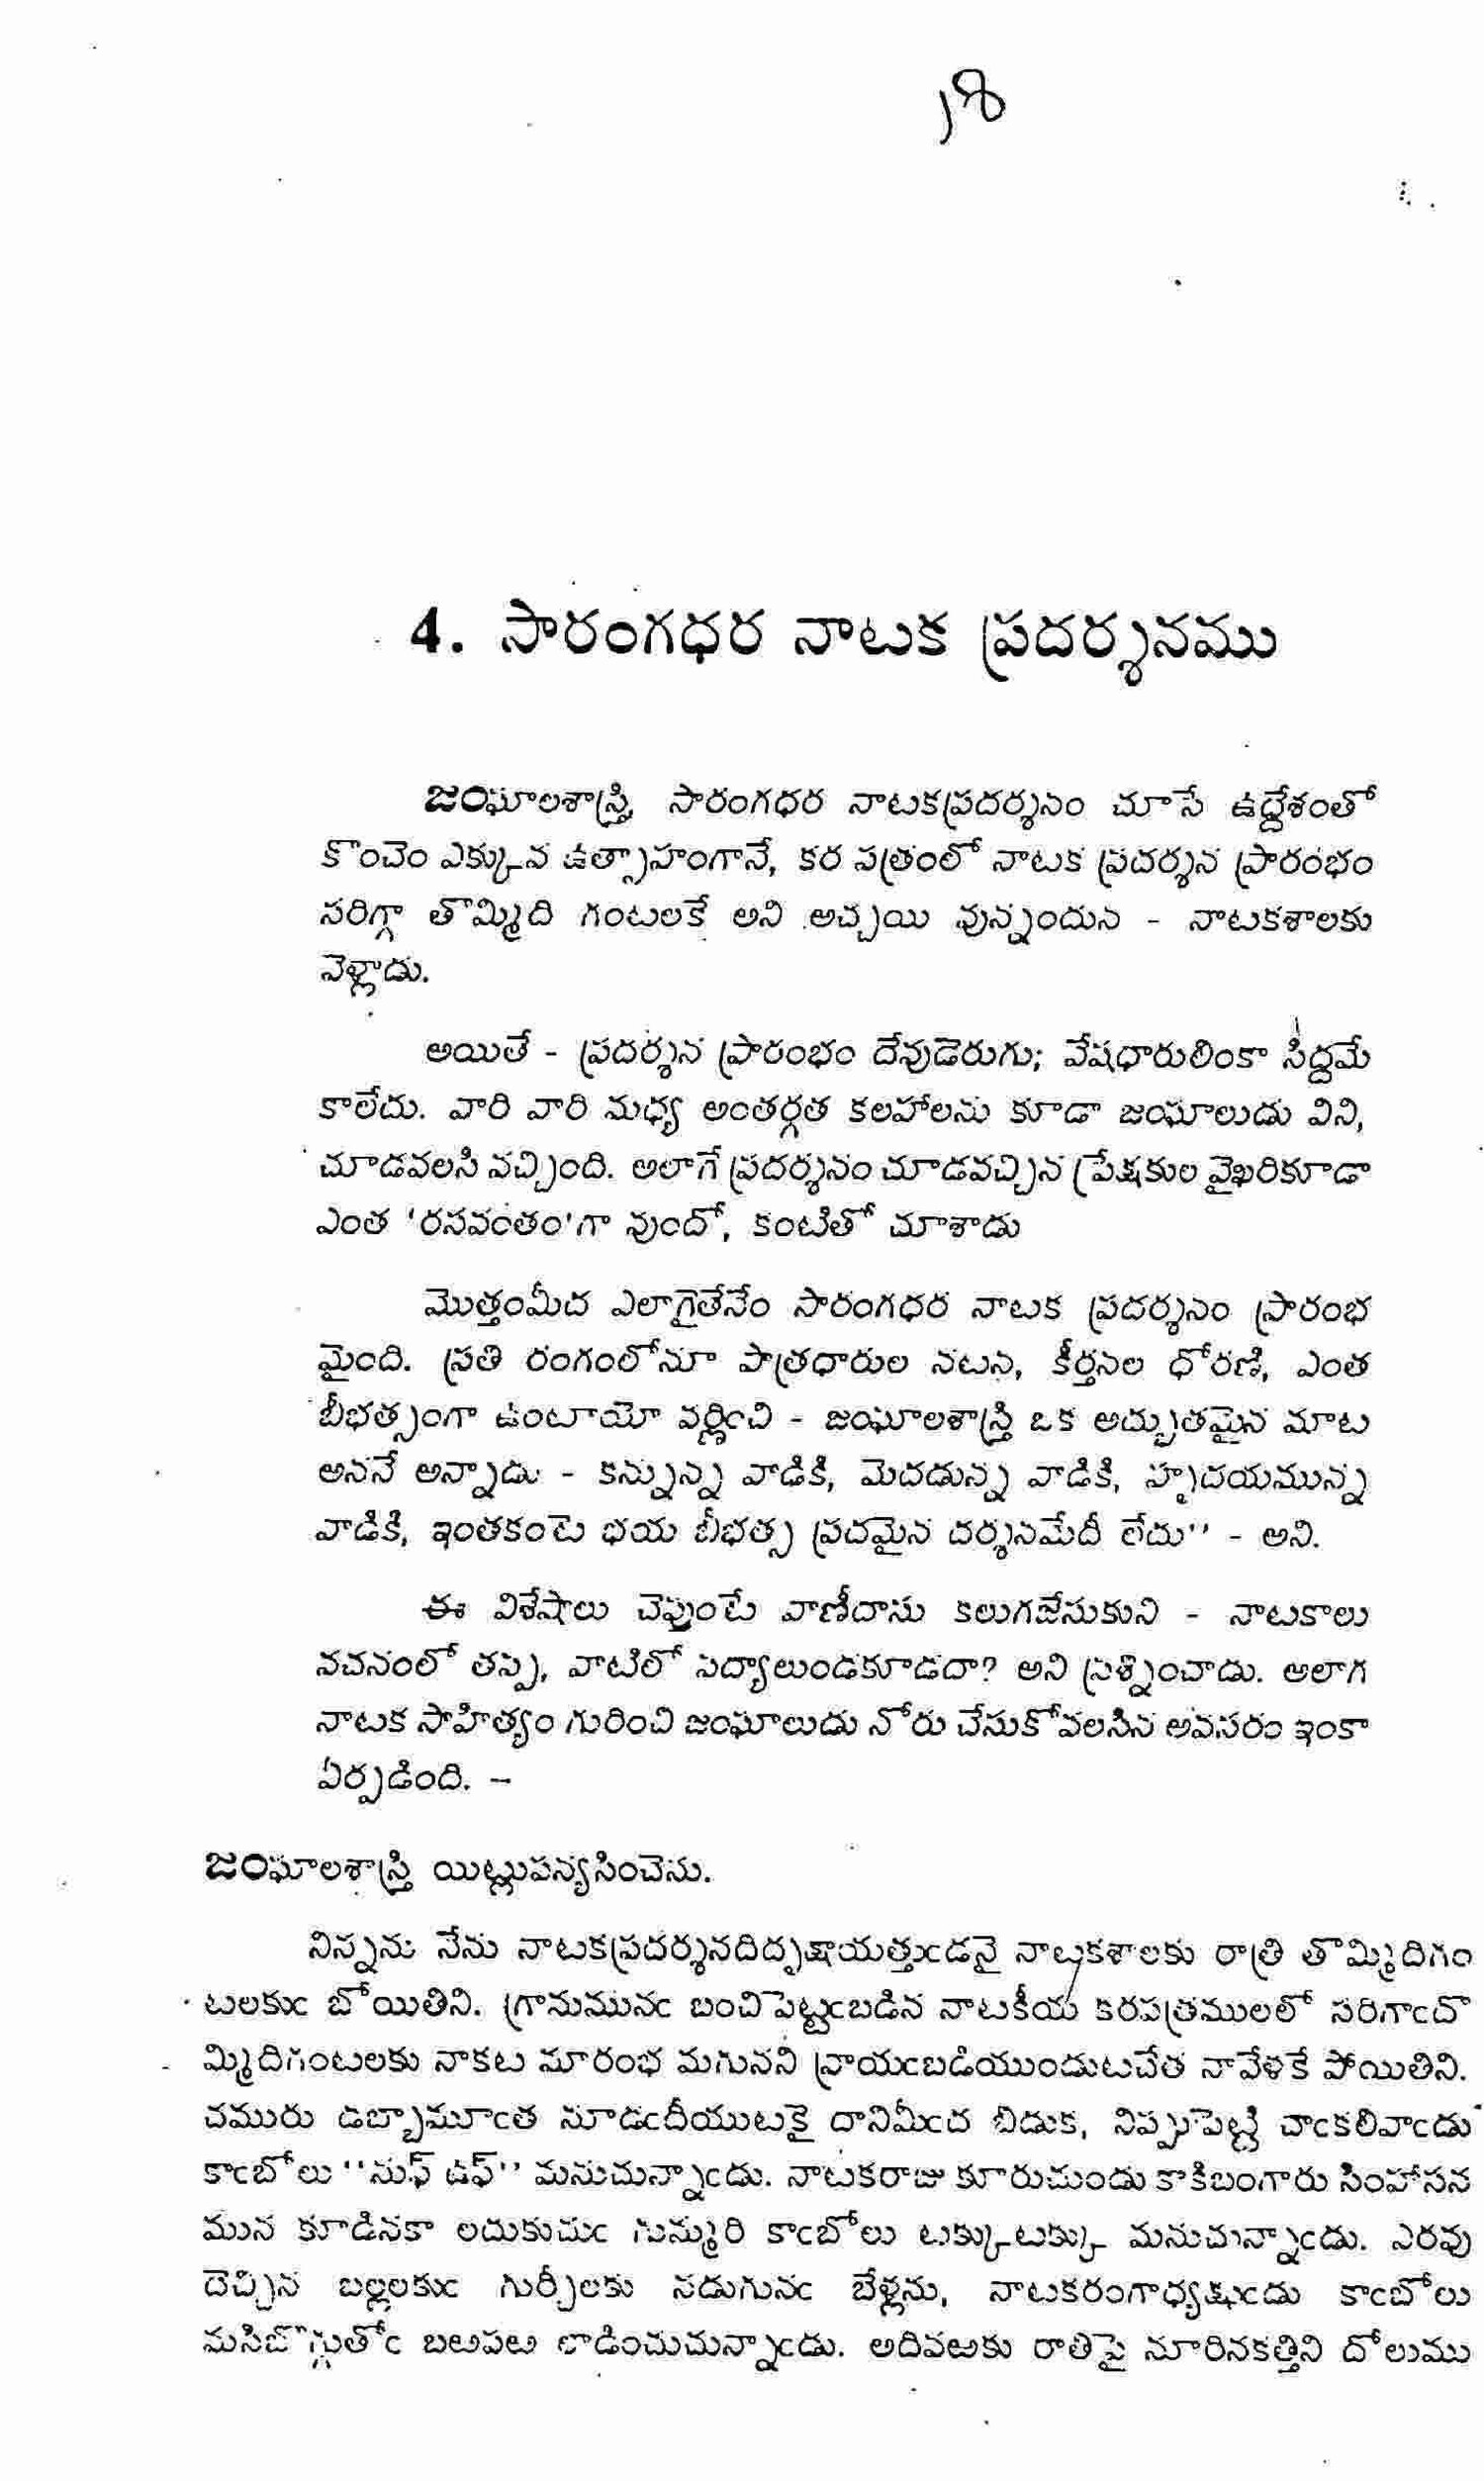4. సారంగధర నాటక ప్రదర్శనము

జంఘాలశాస్త్రి, సారంగధర నాటక ప్రదర్శనం చూసే ఉద్దేశంతో కొంచెం ఎక్కువ ఉత్సాహంగానే, కర పత్రంలో నాటక ప్రదర్శన ప్రారంభం సరిగ్గా తొమ్మిది గంటలకే అని ,అచ్చయి వున్నందున - నాటకశాలకు వెళ్లాడు.

అయితే - ప్రదర్శన ప్రారంభం దేవుడెరుగు; వేషధారులింకా సిద్ధమే కాలేదు. వారి వారి మధ్య అంతర్గత కలహాలను కూడా జంఘాలుడు విని, చూడవలసి వచ్చింది. అలాగే ప్రదర్శనం చూడవచ్చిన ప్రేక్షకుల వైఖరికూడా ఎంత 'రసవంతం' గా వుందో, కంటితో చూశాడు

మొత్తంమీద ఎలాగైతేనేం సారంగధర నాటక ప్రదర్శనం ప్రారంభమైంది. ప్రతి రంగంలోనూ పాత్రధారుల నటన, కీర్తనల ధోరణి, ఎంత 'బీభత్సంగా ఉంటాయో వర్ణించి - జంఘాలశాస్త్రి ఒక అద్భుతమైన మాట అననే అన్నాడు - కన్నున్న వాడికి, మెదడున్న వాడికి, హృదయమున్న వాడికి, ఇంతకంటె భయ బీభత్స ప్రదమైన దర్శనమేదీ లేదు" - అని.

ఈ విశేషాలు చెప్తుంటే వాణీదాసు కలుగజేసుకుని - నాటకాలు వచనంలో తప్ప, వాటిలో పద్యాలుండకూడదా? అని ప్రశ్నించాడు. అలాగ నాటక సాహిత్యం గురించి జంఘాలుడు నోరు చేసుకోవలసిన అవసరం ఇంకా ఏర్పడింది. - 

జంఘాలశాస్త్రి యిట్లుపన్యసించెను.

నిన్నను నేను నాటక ప్రదర్శనదిదృక్షాయత్తుఁడనై నాటకశాలకు రాత్రి తొమ్మిదిగంటలకుఁ బోయితిని. గ్రాముమునఁ బంచిపెట్టఁబడిన నాటకీయ కరపత్రములలో సరిగాఁ దొమ్మిదిగంటలకు నాకట సూరంభ మగునని వ్రాయఁబడియుండుటచేత నావేళకే పోయితిని. చమురు డబ్బామూఁత సూడఁదీయుటకై దానిమీంచ బీడుక, నిప్పుపెట్టి చాఁకలివాఁడు కాఁబోలు "సుఫ్ ఉఫ్” మనుచున్నాఁడు. నాటకరాజు కూరుచుండు కాకిబంగారు సింహాసనమున కూడినకా లదుకుచుఁ గుమ్మురి కాఁబోలు టక్కుటక్కు మనుచున్నాఁడు. ఎరవు దెచ్చిన బల్లలకుఁ గుర్చీలకు సడుగునఁ బేళ్లను, నాటకరంగాధ్యక్షుఁడు కొఁబోలు మసిబొగ్గుతోఁ బఱపఱ జాడించుచున్నాఁడు. అదివఱకు రాతిపై నూరినకత్తిని దోలుము